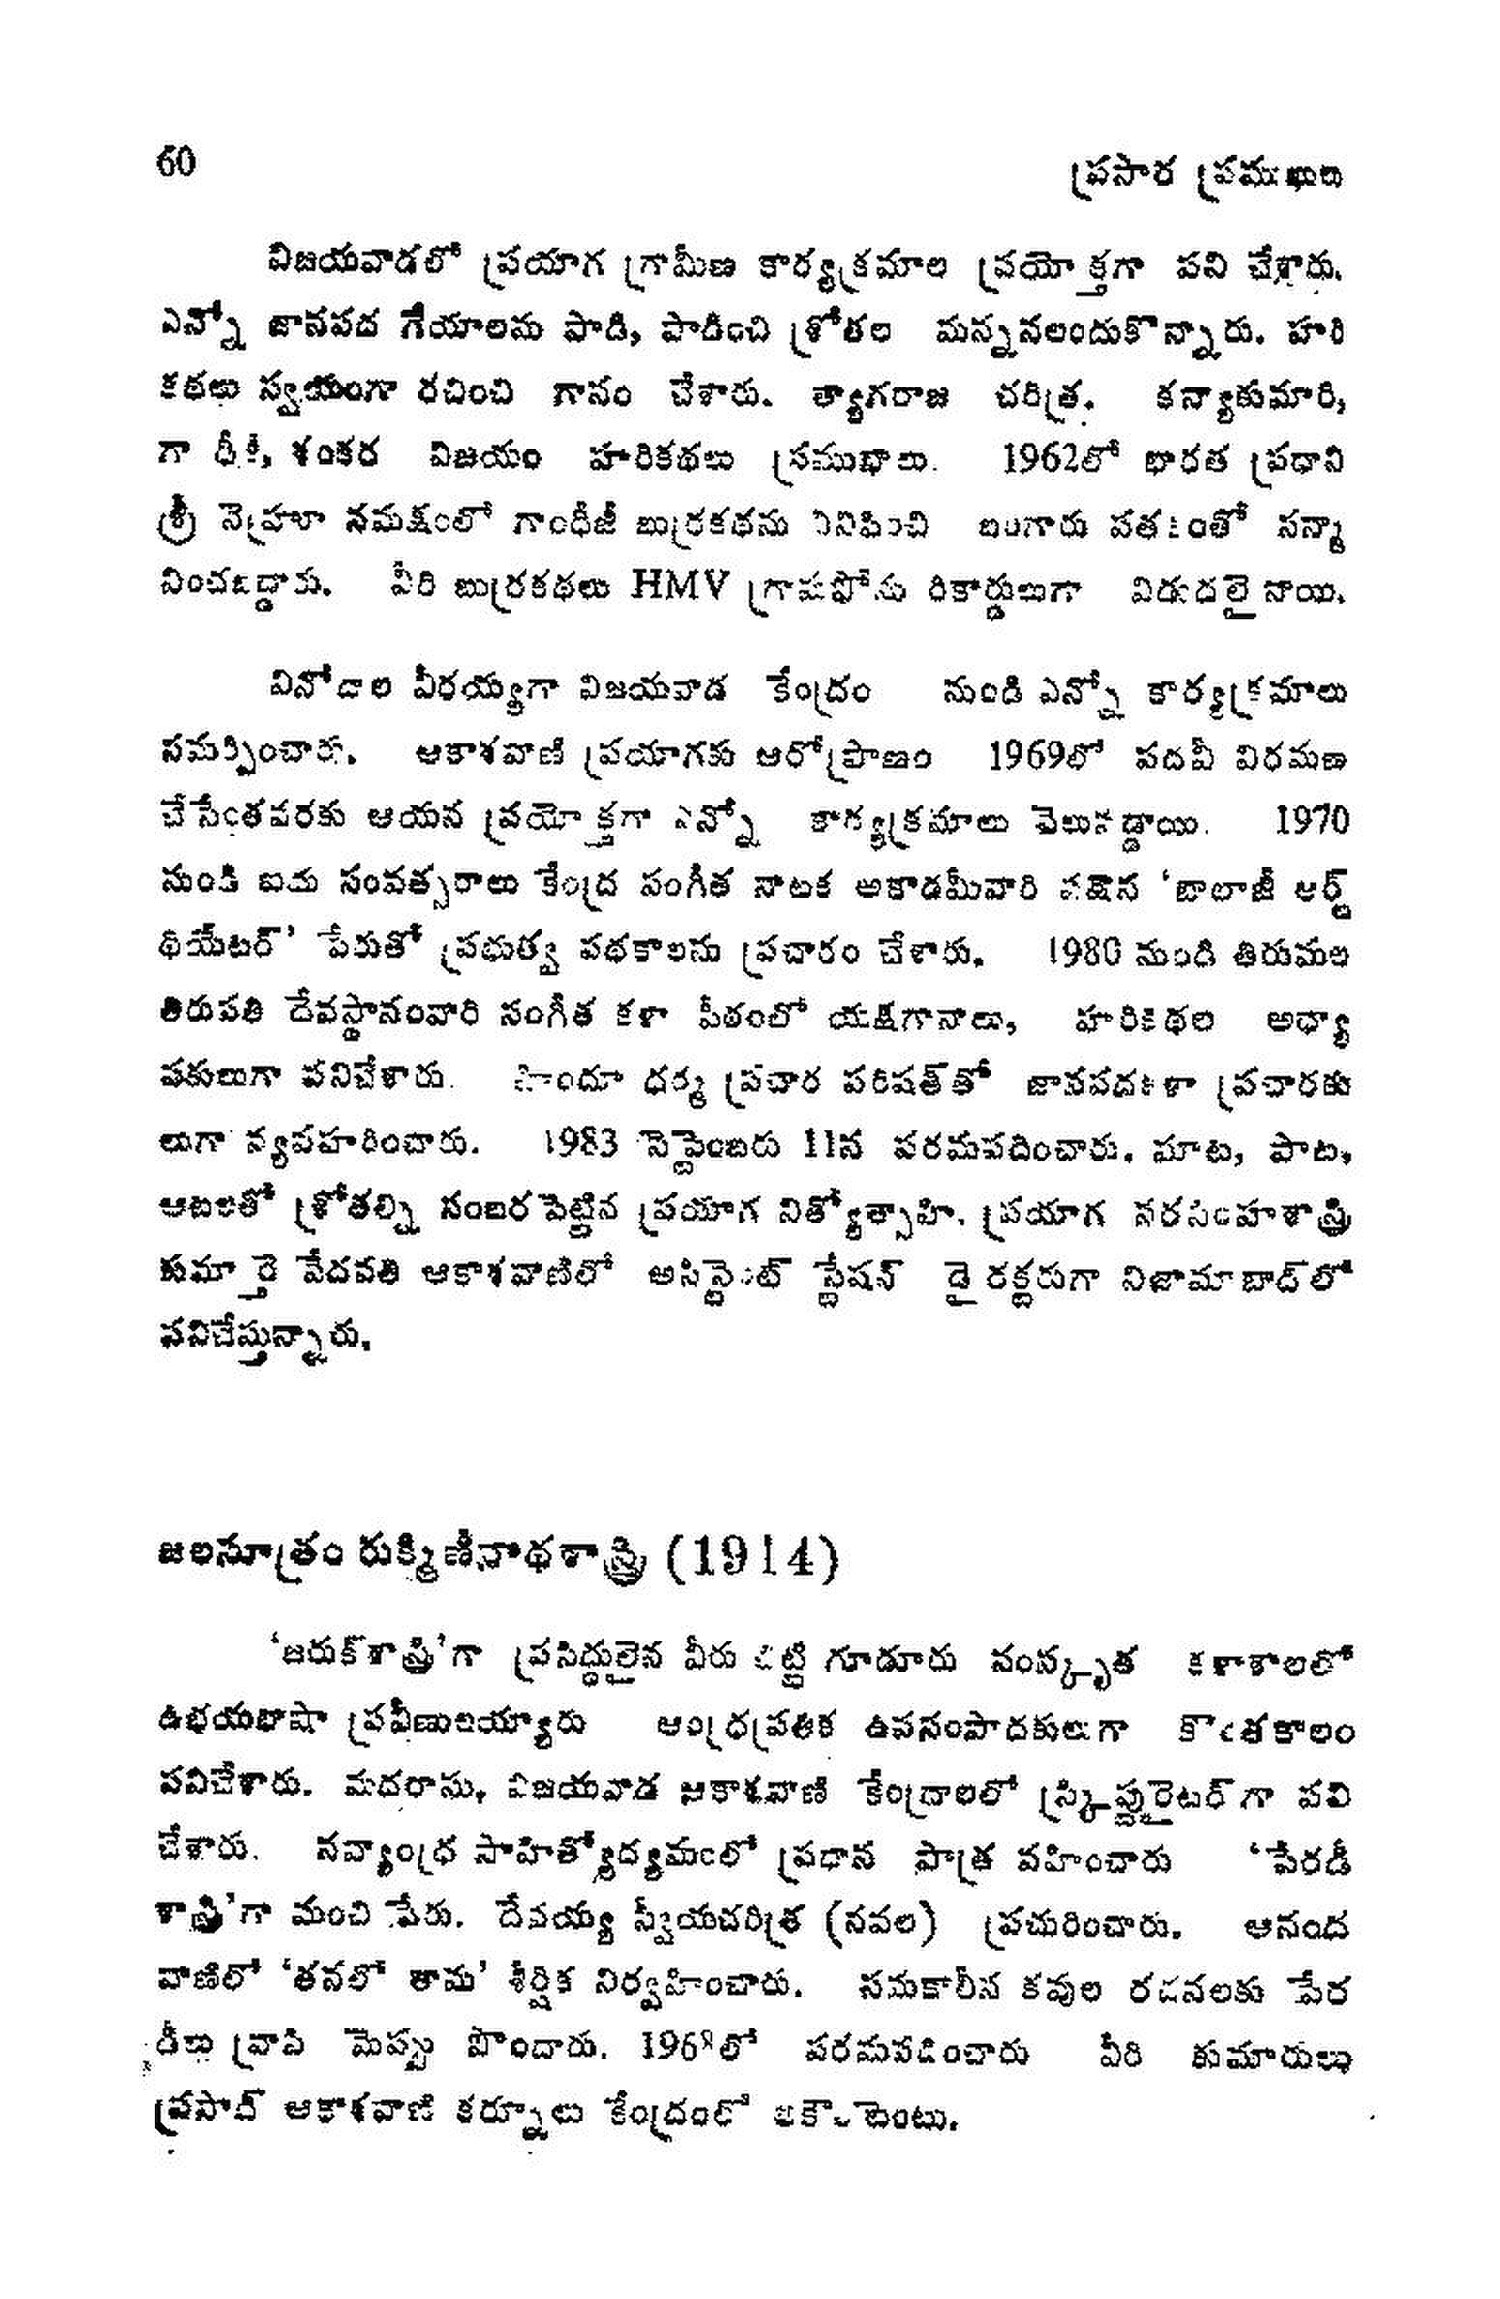విజయవాడలో ప్రయాగ గ్రామీణ కార్యక్రమాల ప్రయోక్తగా పని చేశారు. ఎన్నొ జానపద గేయాలను పాడి, పాడించి శ్రోతల మన్ననలందుకొన్నారు. హరికథలు స్వయంగా రచించి గానం చేశారు. త్యాగరాజ చరిత్ర, కన్యాకుమారి, గాంధీజీ, శంకర విజయం హరికథలు ప్రముఖాలు. 1962లో భారత ప్రధాని శ్రీ నెహ్రూ సమక్షంలో గాంధీజీ బుర్రకథను వినిపించి బంగారు పతకంతో సన్మానించబడ్డారు. వీరి బుర్రకథలు HMV గ్రామఫోను రికార్డులుగా విడుదలైనాయి.

వినోదాల వీరయ్యగా విజయవాడ కేంద్రం నుండి ఎన్నో కార్యక్రమాలు సమర్పించారు. ఆకాశవాణి ప్రయాగకు ఆరోప్రాణం. 1969లో పదవీ విరమణ చేసేంతవరకు ఆయన ప్రయోక్తగా ఎన్నో కార్యక్రమాలు వెలువడ్డాయి. 1970 నుండి ఐదు సంవత్సరాలు కేంద్ర సంగీత నాటక అకాడమీవారి పక్షాన ' బాలాజీ ఆర్ట్ థియేటర్ ' పేరుతో ప్రభుత్వ పథకాలను ప్రచారం చేశారు. 1980 నుండి తిరుమల తిరుపతి దేవస్థానం వారి సంగీత కళా పీఠంలో యక్షగానాలు, హరికథల అధ్యాపకులుగా పనిచేశారు. హిందు ధర్మ ప్రచార పరిషత్ లో జానపద కళా ప్రచారకులుగా వ్యవహరించారు. 1983 సెప్టెంబరు 11న పరమపదించారు. మాట, పాట, ఆటలతో శ్రోతల్ని సంబరపెట్టిన ప్రయాగ నిత్యోత్సాహి. ప్రయాగ నరసింహశాస్త్రి కుమార్తె వేదవతి ఆకాశవాణిలో అసిస్టెంట్ స్టేషన్ డైరక్టరుగా నిజామాబాద్ లో పనిచేస్తున్నారు.

జరుక్ శాస్త్రి గా ప్రసిద్ధులైన వీరు చిట్టి గూడురు సంస్కృత కళాశాలలో ఉభయభాషా ప్రవీణులయ్యారు. ఆంధ్రపత్రిక ఉపసంపాదకులుగా కొంతకాలం పనిచేశారు. మదరాసు, విజయవాడ ఆకాశవాణి కేంద్రాలలో స్క్రిప్టు రైటర్ గా పనిచేశారు. నవ్యాంధ్ర సాహిత్యోద్యమంలో ప్రధాన పాత్ర వహించారు. పేరడీ శాస్త్రి గా మంచి పేరు. దేవయ్య స్వీయచరిత్ర (నవల) ప్రచురించారు. ఆనంద వాణిలో ' తనలో తాను ' శీర్షిక నిర్వహించారు. సమకాలీన కవుల రచనలకు పేరడీలు వ్రాసి మెప్పు పొందారు. 1968లో పరమపదించారు. వీరి కుమారులు ప్రసాద్ ఆకాశవాణి కర్నూలు కేంద్రంలో అకౌంటెంటు.